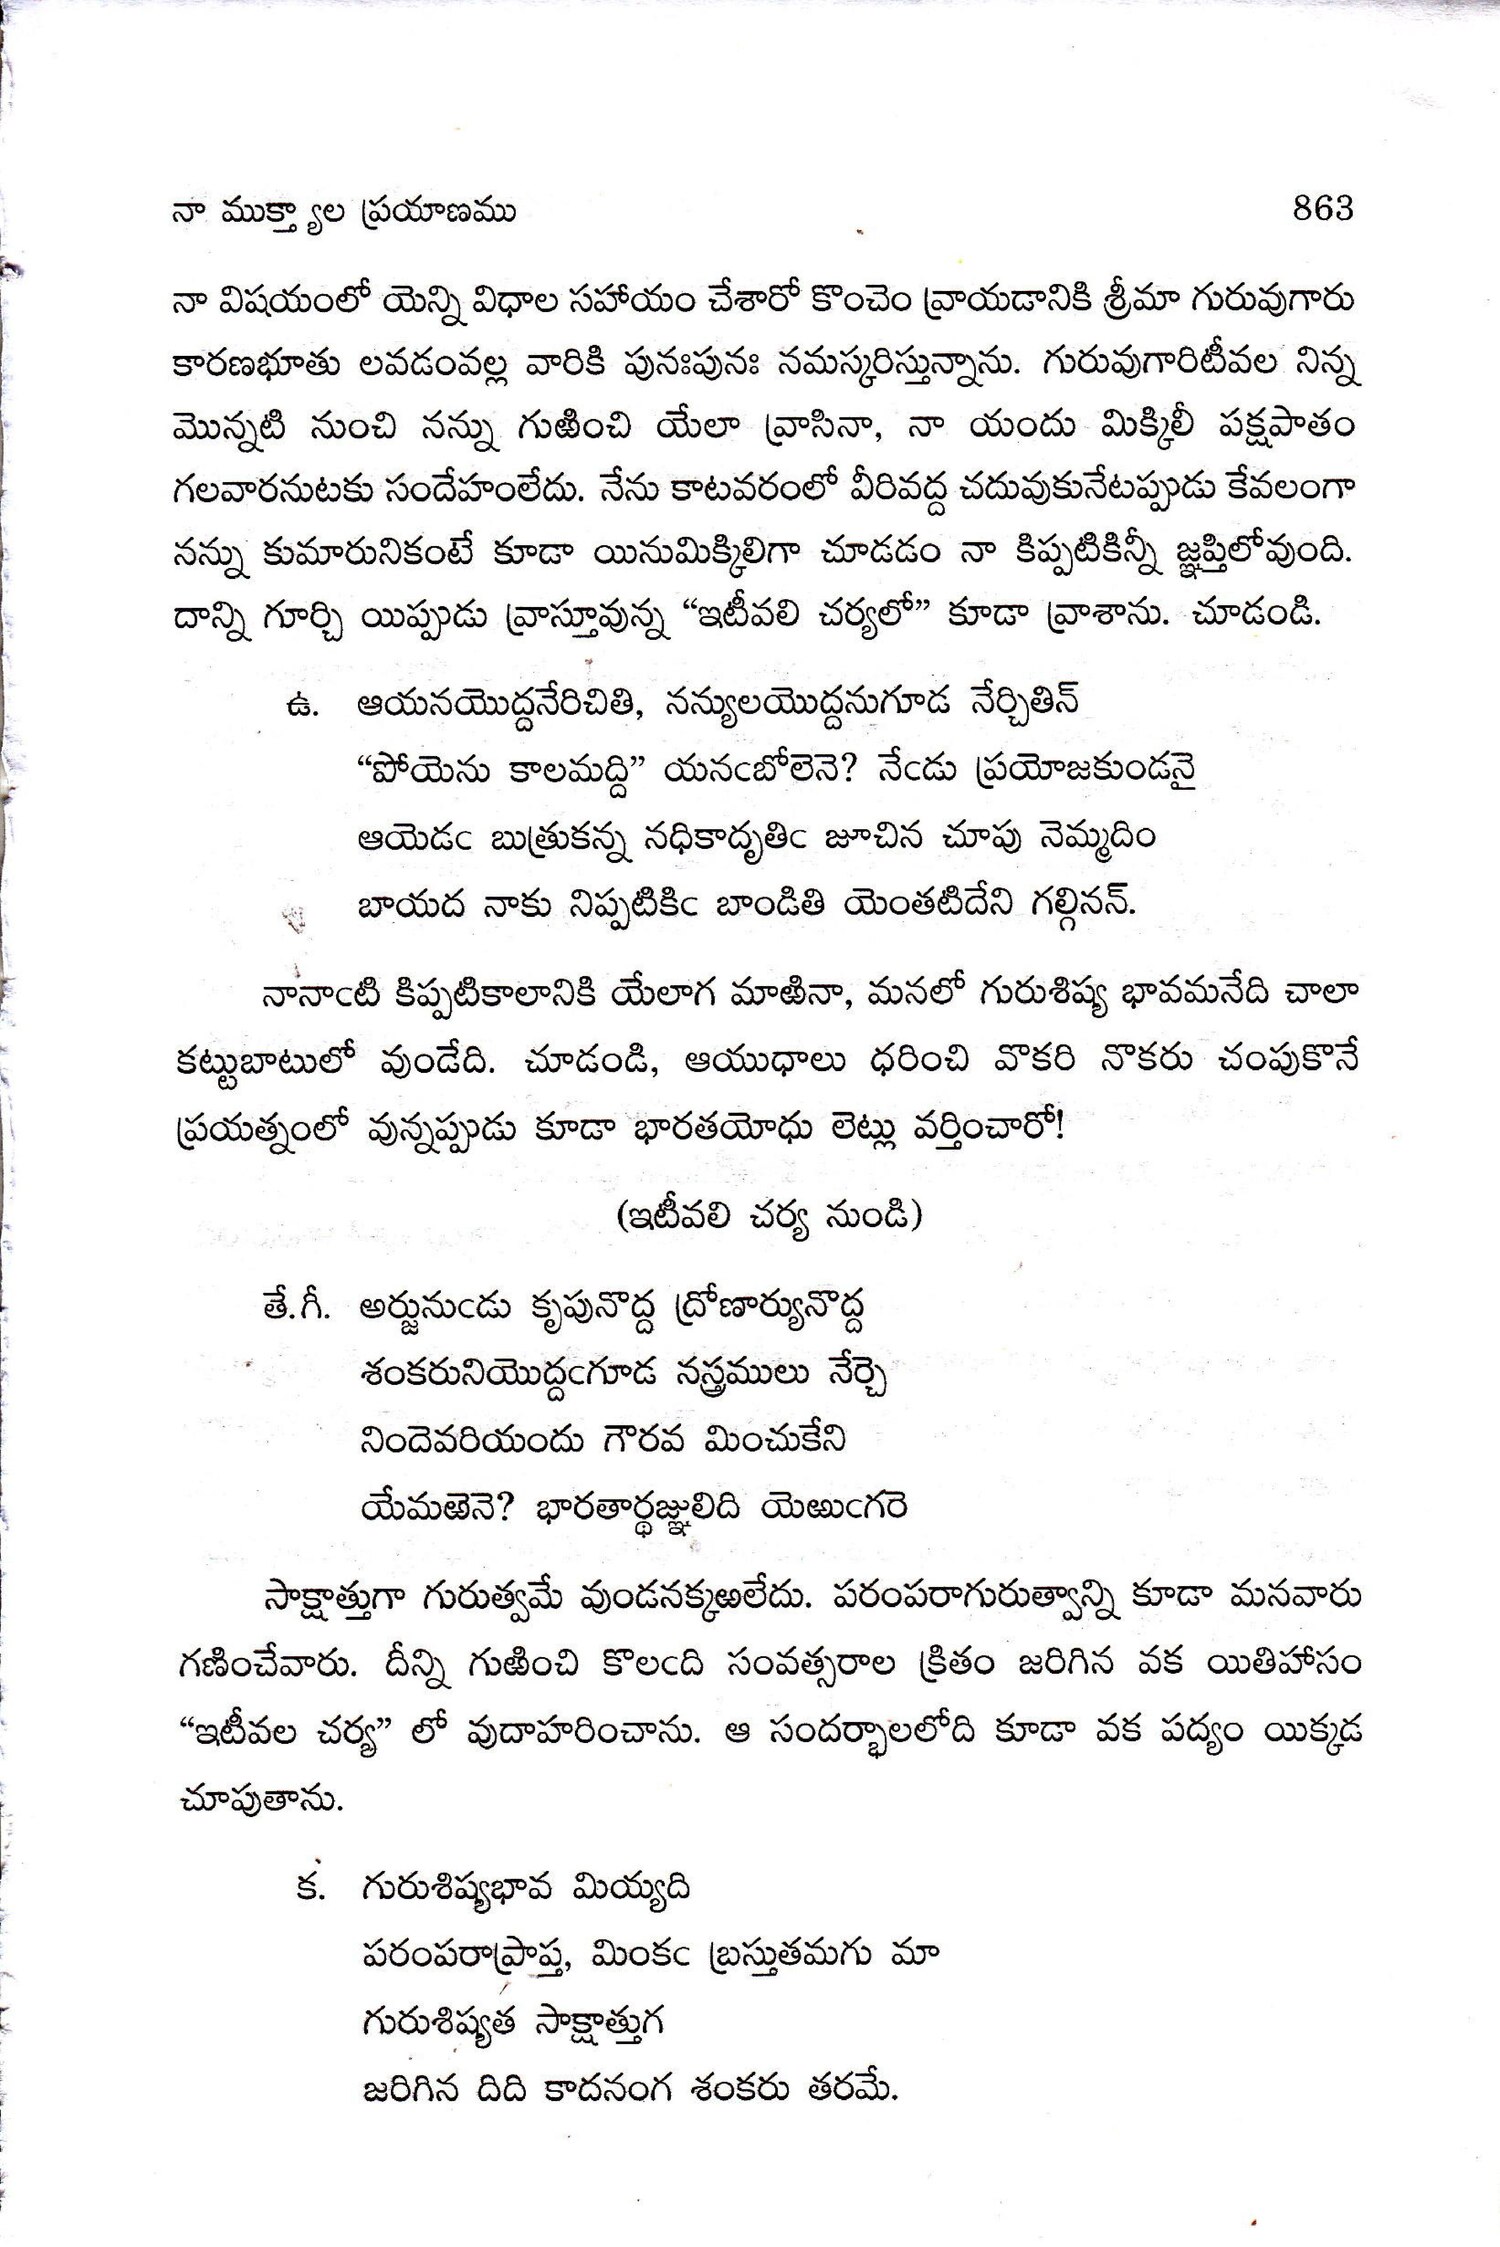నా విషయంలో యెన్ని విధాల సహాయం చేశారో కొంచెం వ్రాయడానికి శ్రీమా గురువుగారు కారణభూతు లవడంవల్ల వారికి పునఃపునః నమస్కరిస్తున్నాను. గురువుగారిటీవల నిన్న మొన్నటి నుంచి నన్ను గుఱించి యేలా వ్రాసినా, నా యందు మిక్కిలీ పక్షపాతం గలవారనుటకు సందేహంలేదు. నేను కాటవరంలో వీరివద్ద చదువుకునేటప్పుడు కేవలంగా నన్ను కుమారునికంటే కూడా యినుమిక్కిలిగా చూడడం నా కిప్పటికిన్నీ జ్ఞప్తిలోవుంది. దాన్ని గూర్చి యిప్పుడు వ్రాస్తూవున్న "ఇటీవలి చర్యలో" కూడా వ్రాశాను. చూడండి.

ఉ. ఆయనయొద్దనేరిచితి, నన్యులయొద్దనుగూడ నేర్చితిన్
 "పోయెను కాలమద్ది" యనఁబోలెనె? నేఁడు ప్రయోజకుండనై 
 ఆయెడఁ బుత్రుకన్న నధికాదృతిఁ జూచిన చూపు నెమ్మదిం 
 బాయద నాకు నిప్పటికిఁ బాండితి యెంతటిదేని గల్గినన్.
నానాఁటి కిప్పటికాలానికి యేలాగ మాఱినా, మనలో గురుశిష్య భావమనేది చాలా కట్టుబాటులో వుండేది. చూడండి, ఆయుధాలు ధరించి వొకరి నొకరు చంపుకొనే ప్రయత్నంలో వున్నప్పుడు కూడా భారతయోధు లెట్లు వర్తించారో!

తే.గీ. అర్జునుఁడు కృపునొద్ద ద్రోణార్యునొద్ద
 శంకరునియొద్దఁగూడ నస్త్రములు నేర్చె
 నిందెవరియందు గౌరవ మించుకేని
 యేమఱెనె? భారతార్థజ్ఞులిది యెఱుఁగరె
సాక్షాత్తుగా గురుత్వమే వుండనక్కఱలేదు. పరంపరాగురుత్వాన్ని కూడా మనవారు గణించేవారు. దీన్ని గుఱించి కొలఁది సంవత్సరాల క్రితం జరిగిన వక యితిహాసం "ఇటీవల చర్య" లో వుదాహరించాను. ఆ సందర్భాలలోది కూడా వక పద్యం యిక్కడ చూపుతాను.

క గురుశిష్యభావ మియ్యది
 పరంపరాప్రాప్త, మింకఁ బ్రస్తుతమగు మా 
 గురుశిష్యత సాక్షాత్తుగ 
 జరిగిన దిది కాదనంగ శంకరు తరమే.